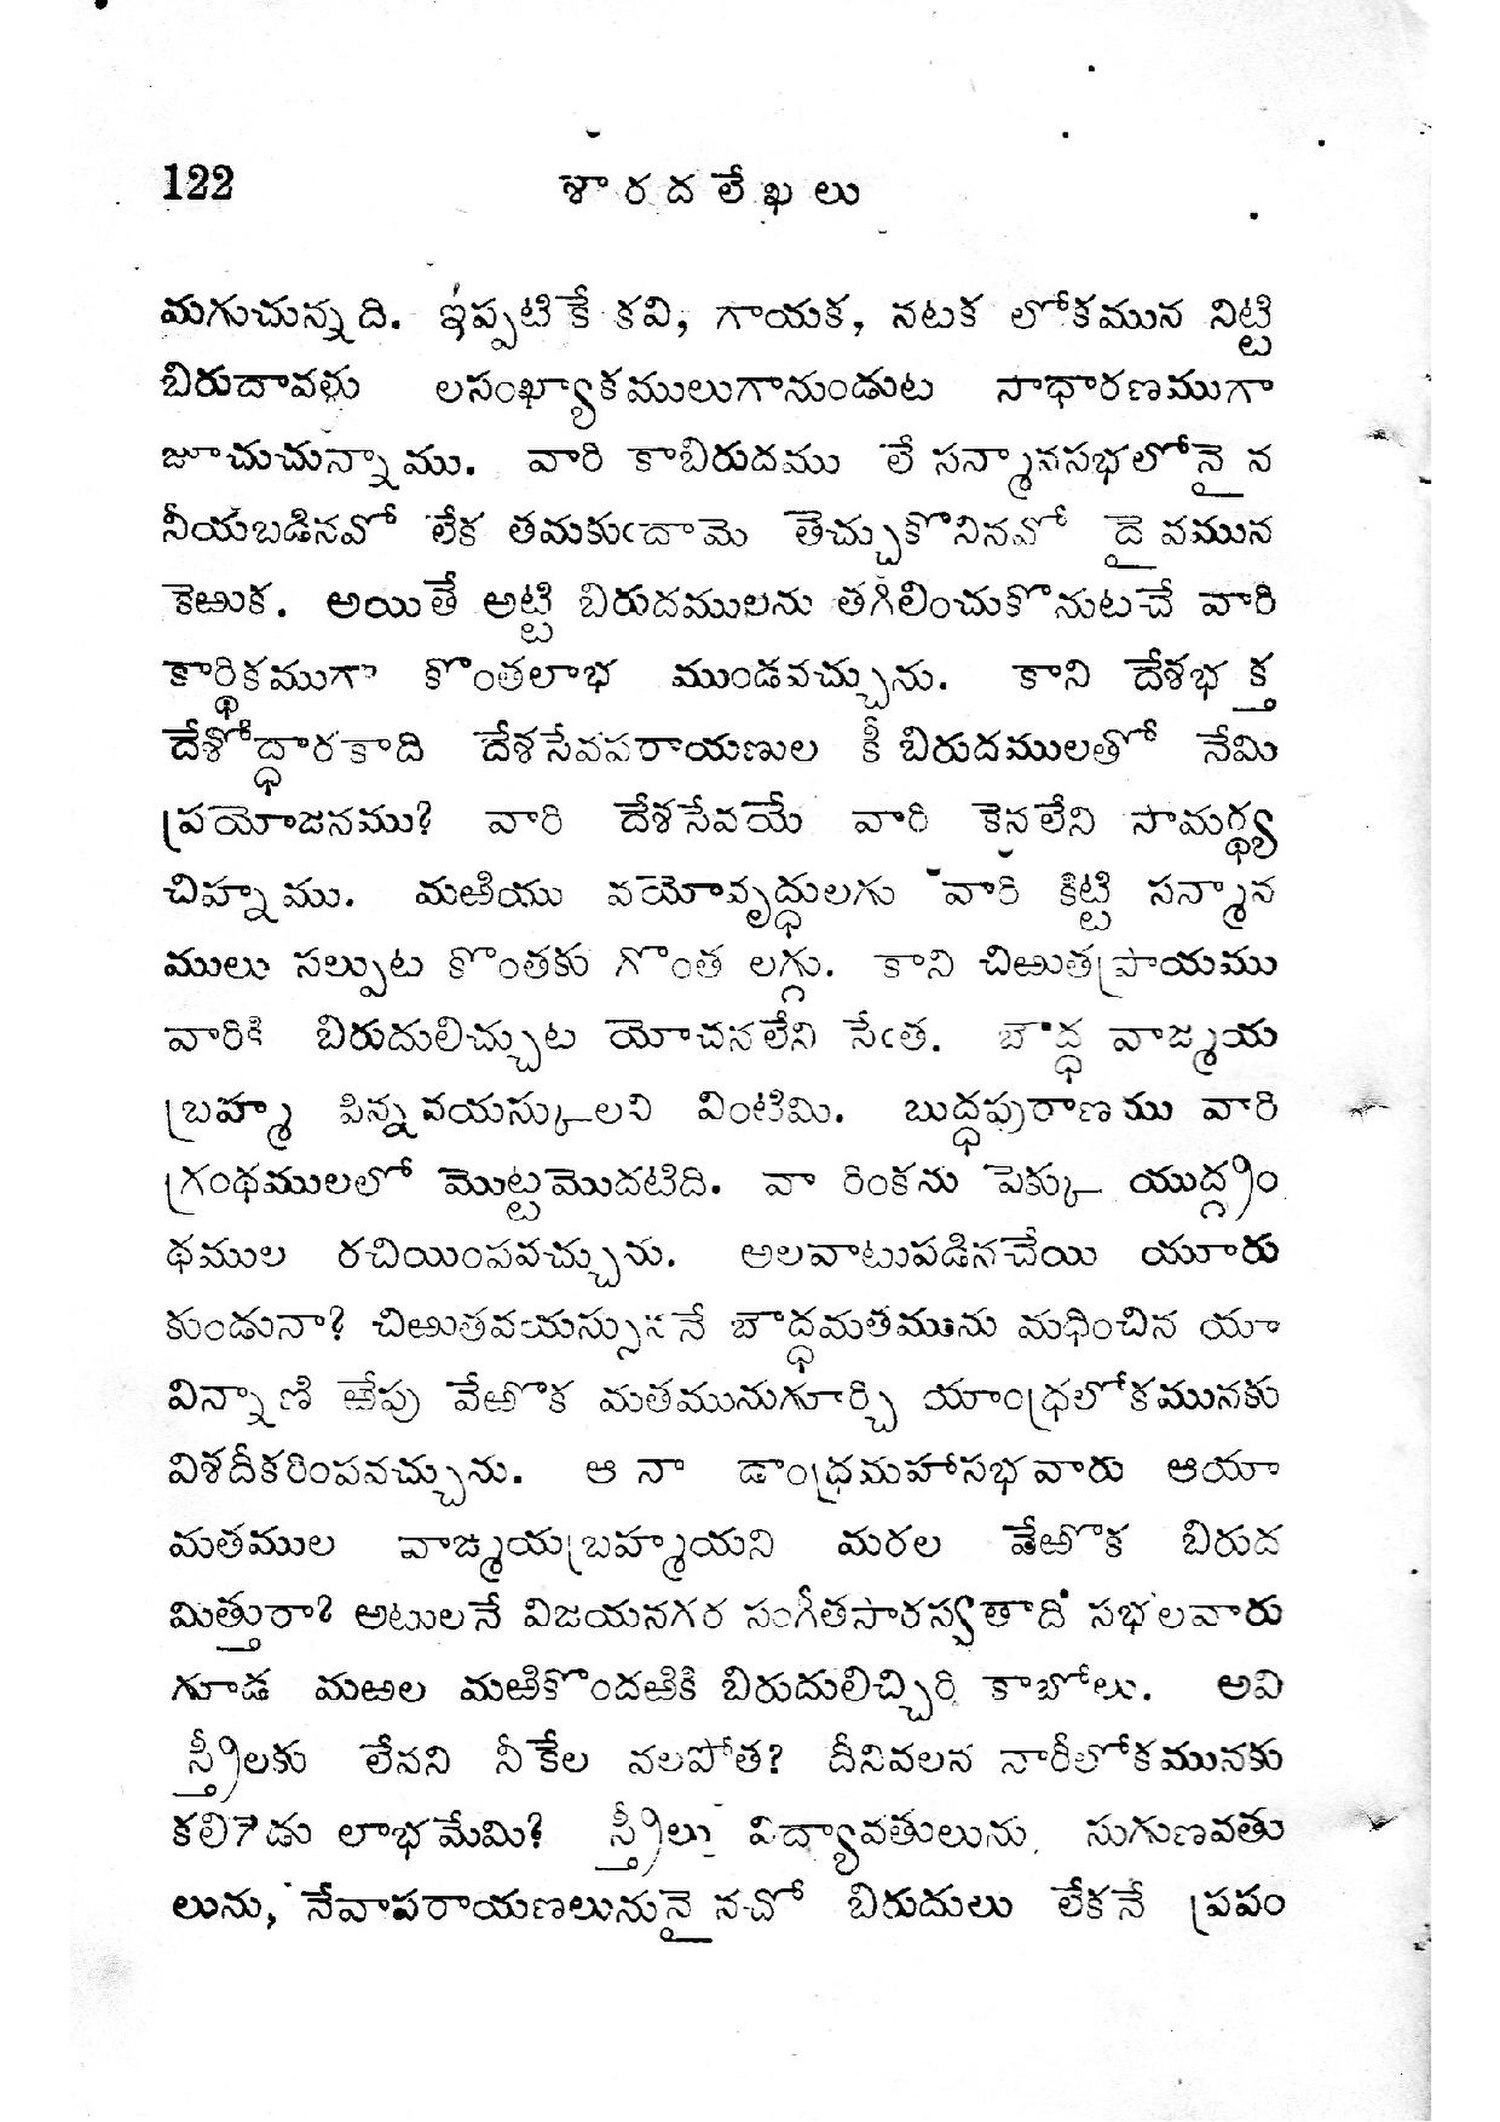మగుచున్నది. ఇప్పటికే కవి, గాయక, నటక లోకమున నిట్టి బిరుదావళు లసంఖ్యాకములుగానుండుట సాధారణముగా జూచుచున్నాము. వారి కాబిరుదము లే సన్మానసభలోనైన నీయబడినవో లేక తమకుఁదామె తెచ్చుకొనినవో దైవమున కెఱుక. అయితే అట్టి బిరుదములను తగిలించుకొనుటచే వారి కార్థికముగా కొంతలాభ ముండవచ్చును. కాని దేశభక్త దేశోద్ధారకాది దేశసేవపరాయణుల కీ బిరుదములతో నేమి
ప్రయోజనము? వారి దేశసేవయే వారి కెనలేని సామర్థ్య చిహ్నము. మఱియు వయోవృద్ధులగు వారి కిట్టి సన్మానములు సల్పుట కొంతకు గొంత లగ్గు. కాని చిఱుతప్రాయమువారికి బిరుదులిచ్చుట యోచనలేని సేఁత. బౌద్ధ వాఙ్మయబ్రహ్మ పిన్న వయస్కులని వింటిమి. బుద్ధపురాణము వారిగ్రంథములలో మొట్టమొదటిది. వా రింకను పెక్కు యుద్గ్రంథముల రచియింపవచ్చును. అలవాటుపడినచేయి యూరుకుండునా? చిఱుతవయస్సుననే బౌద్ధమతమును మధించిన యా విన్నాణి ఱేపు వేఱొక మతమునుగూర్చి యాంధ్రలోకమునకు విశదీకరింపవచ్చును. ఆ నా డాంధ్రమహాసభవారు ఆయా మతముల వాఙ్మయబ్రహ్మయని మరల వేఱొక బిరుదమిత్తురా? అటులనే విజయనగర సంగీతసారస్వతాది సభలవారు
గూడ మఱల మఱికొందఱికి బిరుదులిచ్చిరి కాబోలు. అవి స్త్రీలకు లేవని నీకేల వలపోత? దీనివలన నారీలోకమునకు కలిగెడు లాభమేమి? స్త్రీలు విద్యావతులును, సుగుణవతులును, నేవాపరాయణలునునైనచో బిరుదులు లేకనే ప్రపం